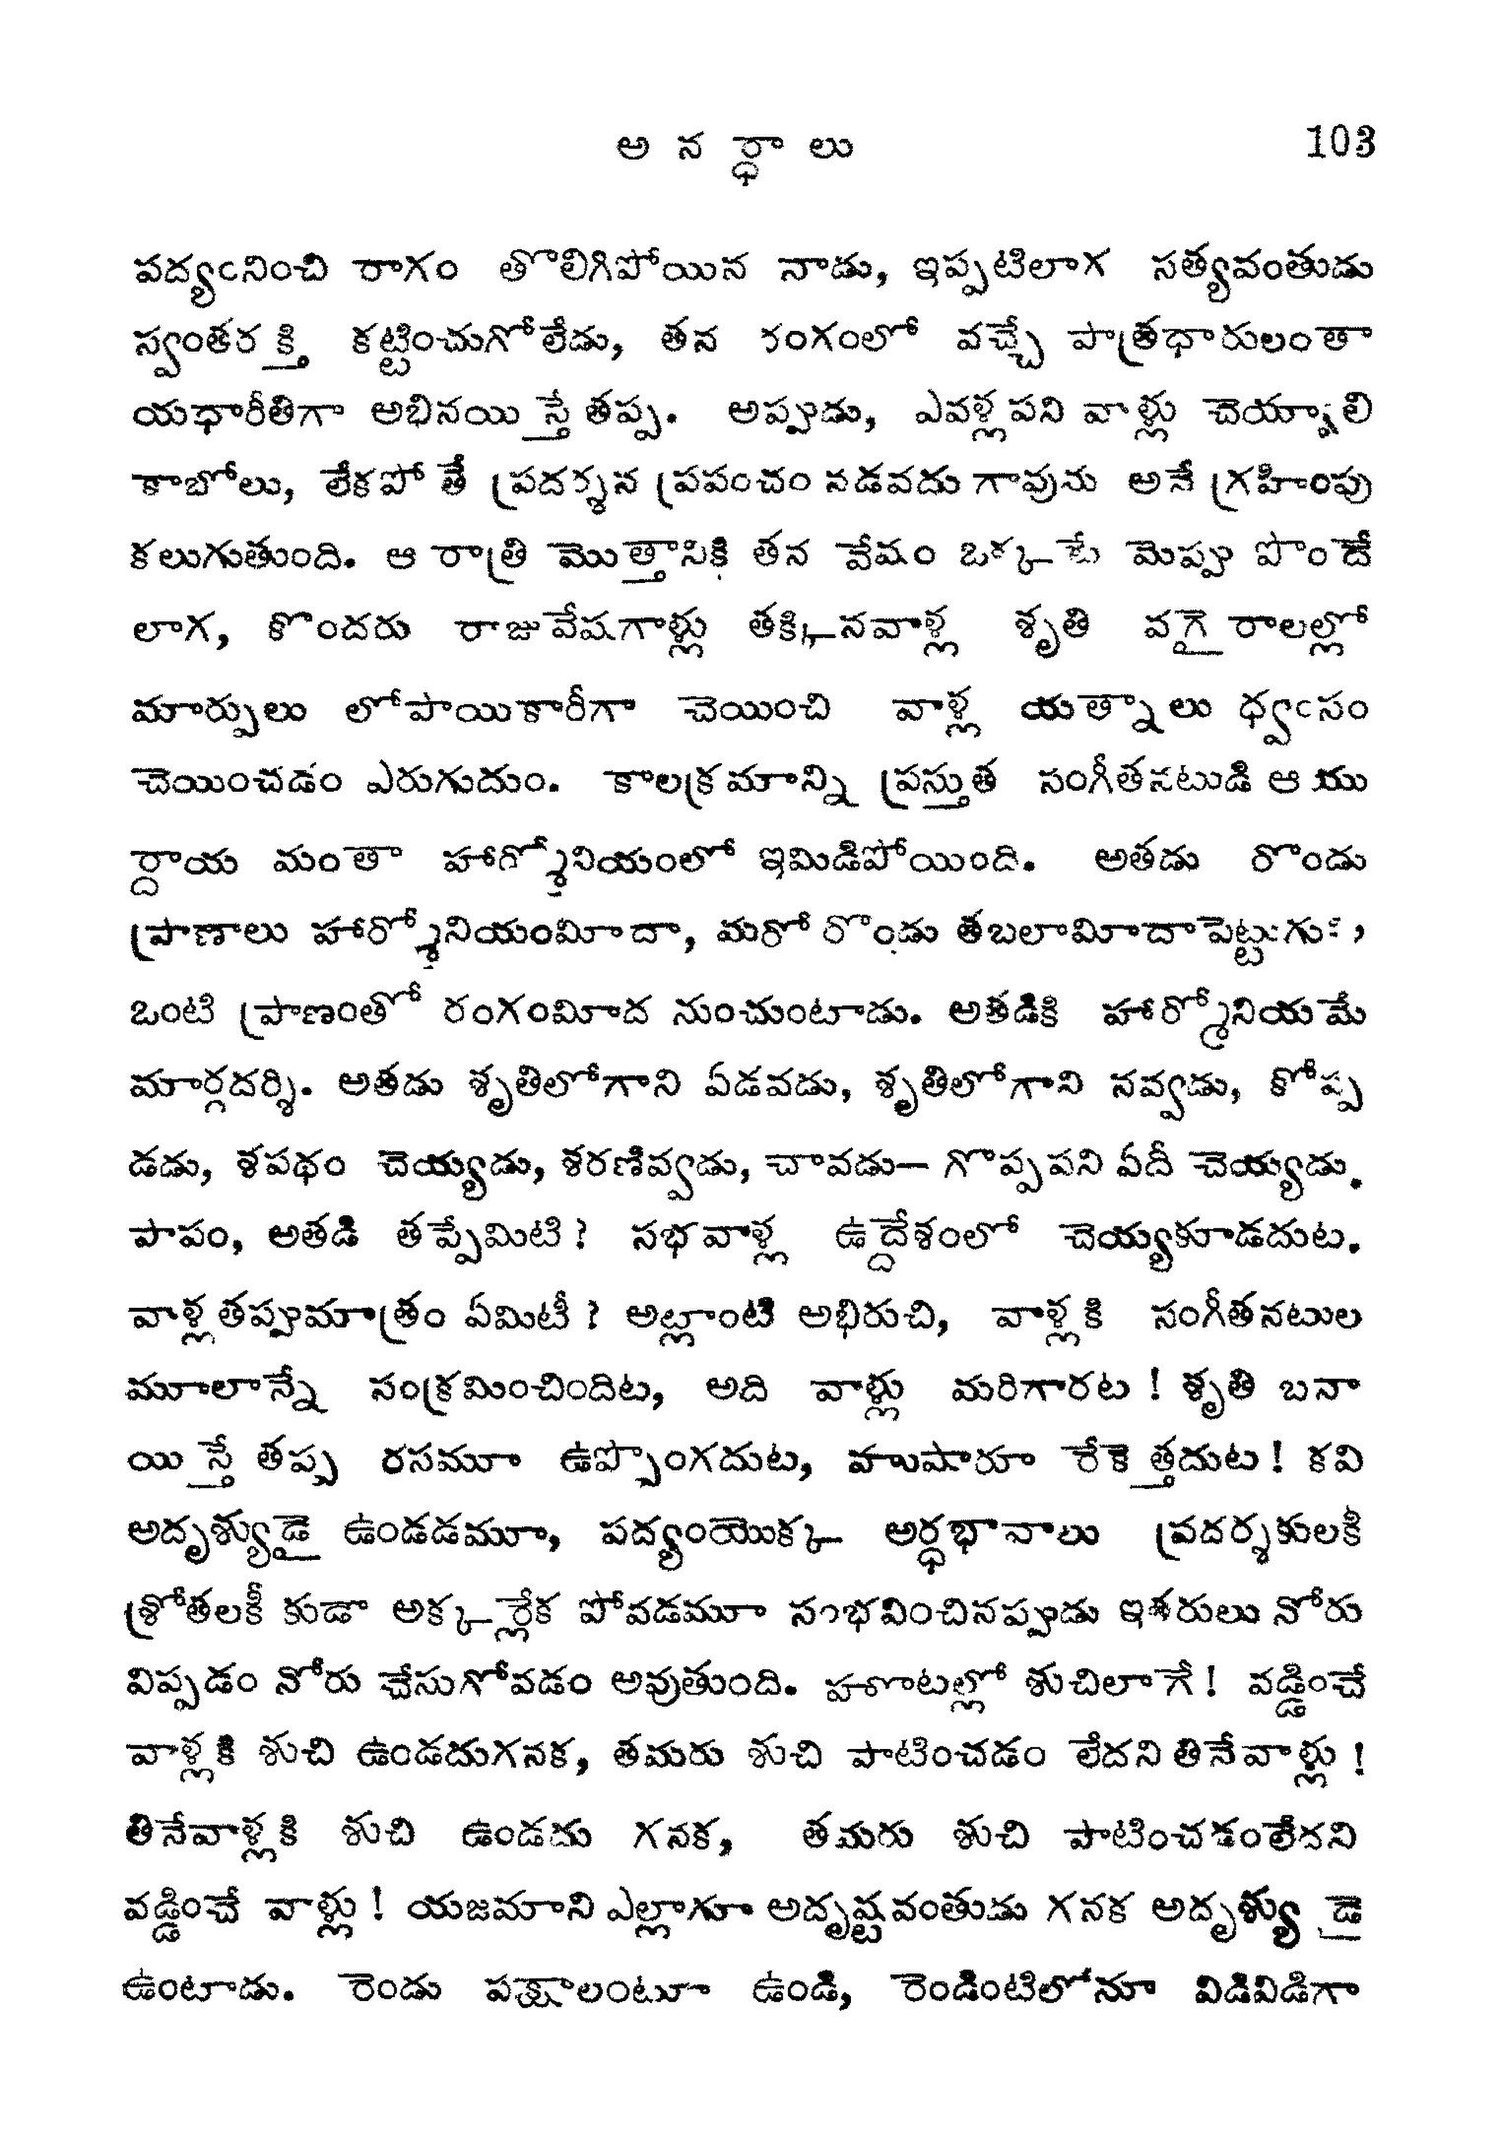పద్యంనించి రాగం తొలిగిపోయిన నాడు, ఇప్పటిలాగ సత్యవంతుడు
స్వంతరక్తి కట్టించుగోలేడు, తన రంగంలో వచ్చే పాత్రధారులంతా
యధారీతిగా అభినయిస్తే తప్ప. అప్పుడు, ఎవళ్ల పని వాళ్లు చెయ్యాలి.
కాబోలు, లేకపోతే ప్రదర్శన ప్రపంచం నడవదు గావును అనే గ్రహింపు
కలుగుతుంది. ఆ రాత్రి మొత్తానికి తన వేషం ఒక్కటే మెప్పు పొందే
లాగ, కొందరు రాజువేషగాళ్లు తక్కినవాళ్ల శృతి వగైరాలల్లో
మార్పులు లోపాయికారీగా చెయించి వాళ్ల యత్నాలు ధ్వంసం
చెయించడం ఎరుగుదుం. కాలక్రమాన్ని ప్రస్తుత సంగీతనటుడి ఆయు
ర్దాయ మంతా హార్మోనియంలో ఇమిడిపోయింది. అతడు రొండు
ప్రాణాలు హార్మోనియంమీదా, మరో రొండు తబలామీదాపెట్టుగుని,
ఒంటి ప్రాణంతో రంగంమీద నుంచుంటాడు. అతడికి హార్మోనియమే
మార్గదర్శి. అతడు శృతిలోగాని ఏడవడు, శృతిలోగాని నవ్వడు, కోప్ప
డడు, శపథం చెయ్యడు, శరణివ్వడు, చావడు - గొప్పపని ఏదీ చెయ్యడు.
పాపం, అతడి తప్పేమిటి ? సభవాళ్ల ఉద్దేశంలో చెయ్యకూడదుట,
వాళ్ల తప్పుమాత్రం ఏమిటీ ? అట్లాంటి అభిరుచి, వాళ్లకి సంగీతనటుల
మూలాన్నే సంక్రమించిందిట, అది వాళ్లు మరిగారట ! శృతి బనా
యిస్తే తప్ప రసమూ ఉప్పొంగదుట, హుషారూ రేకెత్తదుట! కవి
అదృశ్యుడై ఉండడమూ, పద్యంయొక్క అర్ధభావాలు ప్రదర్శకులకీ
శ్రోతలకీ కుడా అక్కర్లేక పోవడమూ సంభవించినప్పుడు ఇతరులు నోరు
విప్పడం నోరు చేసుగోవడం అవుతుంది. హోటల్లో శుచిలాగే! వడ్డించే
వాళ్లకి శుచి ఉండదుగనక, తమరు శుచి పాటించడం లేదని తినేవాళ్లు !
తినేవాళ్లకి శుచి ఉండదు గనక, తమరు శుచి పాటించడంలేదని
వడ్డించే వాళ్లు! యజమాని ఎల్లాగూ అదృష్టవంతుడు గనక అదృశ్యు డై
ఉంటాడు. రెండు పక్షాలంటూ ఉండి, రెండింటిలోనూ విడివిడిగా